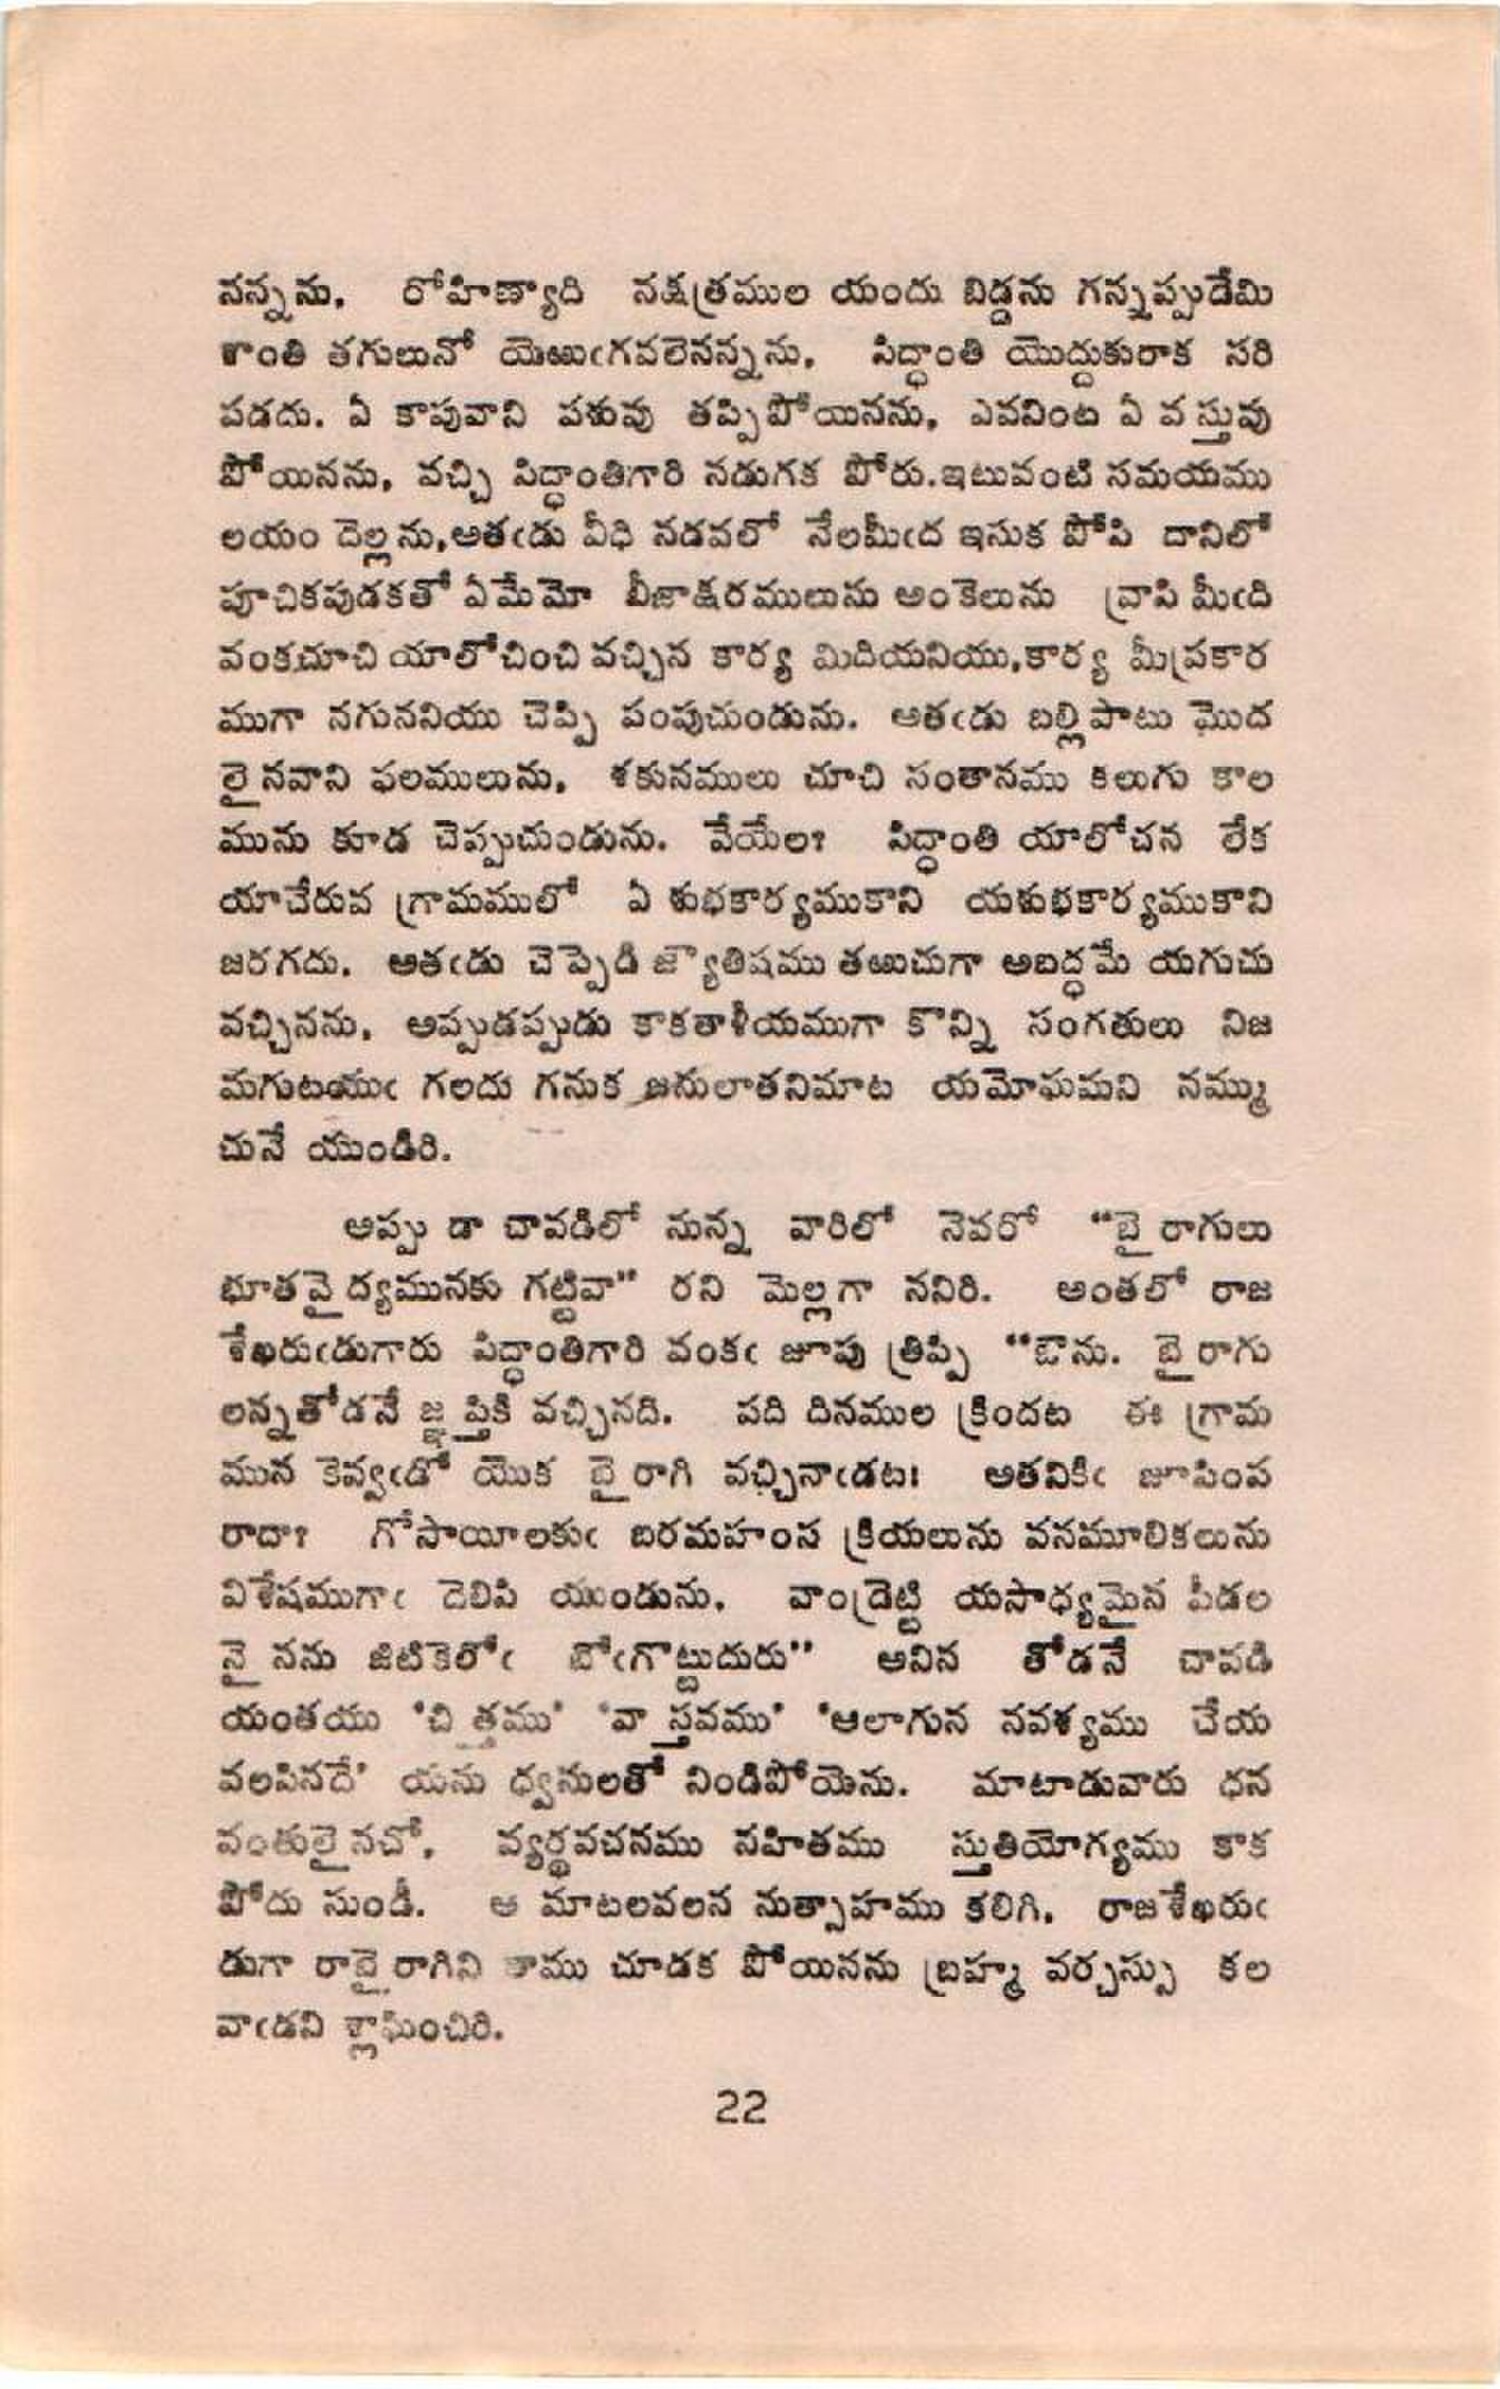నన్నను, రోహిణ్యాది నక్షత్రముల యందు బిడ్డను గన్నప్పుడేమి శాంతి తగులునో యెఱుఁగవలెనన్నను, సిద్ధాంతి యొద్దుకురాక సరిపడదు. ఏ కాపువాని పశువు తప్పిపోయినను, ఎవనింట ఏ వస్తువు పోయినను, వచ్చి సిద్ధాంతిగారి నడుగక పోరు. ఇటువంటి సమయములయం దెల్లను, అతఁడు వీధి నడవలో నేలమీఁద ఇసుక పోసి దానిలో పూచికపుడకతో ఏమేమో బీజాక్షరములను అంకెలును వ్రాసి మీఁది వంక చూచియాలోచించి వచ్చిన కార్య మిదియనియు, కార్య మీ ప్రకారముగా నగుననియు చెప్పి పంపుచుండును. అతఁడు బల్లి పాటు మొదలైన వాని ఫలములను, శకునములు చూచి సంతానము కలుగు కాలమును కూడ చెప్పచుండును. వేయేల? సిద్ధాంతి యాలోచన లేక యాచేరువ గ్రామములో ఏ శుభకార్యముకాని యశుభకార్యముకాని జరగదు. అతఁడు చెప్పెడి జ్యోతిషము తఱచుగా అబద్ధమే యగుచు వచ్చినను, అప్పుడప్పుడు కాకతాళీయముగా కొన్ని సంగతులు నిజ మగుటయుఁ గలదు గనుక జనులాతనిమాట యమోఘమని నమ్ముచునే యుండిరి.

అప్ప డా చావడిలో నున్న వారిలో నెవరో "బైరాగులు భూతవైద్యమునకు గట్టివా" రని మెల్లగా ననిరి. అంతలో రాజశేఖరుఁడుగారు సిద్ధాంతిగారి వంకఁ జూపు త్రిప్పి "ఔను. బైరాగు లన్నతోడనే జ్ఞప్తికి వచ్చినది. పది దినముల క్రిందట ఈ గ్రామమున కెవ్వఁడో యొక బైరాగి వచ్చినాఁడట! అతనికిఁ జూపింప రాదా? గోసాయీలకుఁ బరమహంస క్రియలను వనమూలికలును విశేషముగాఁ దెలిపి యుండును. వాండ్రెట్టి యసాధ్యమైన పీడల నైనను జిటికెలోఁ బోఁగొట్టుదురు" అనిన తోడనే చావడి యంతయు "చిత్తము" "వాస్తవము" "ఆలాగున నవశ్యము చేయ వలసినదే" యను ధ్వనులతో నిండిపోయెను. మాటాడువారు ధనవంతులైనచో, వ్యర్థవచనము నహితము స్తుతియోగ్యము కాకపోదు సుండీ. ఆ మాటలవలన నుత్సాహము కలిగి, రాజశేఖరుఁడుగా రాబైరాగిని తాము చూడక పోయినను బ్రహ్మ వర్చస్సు కలవాఁడని శ్లాఘించిరి.